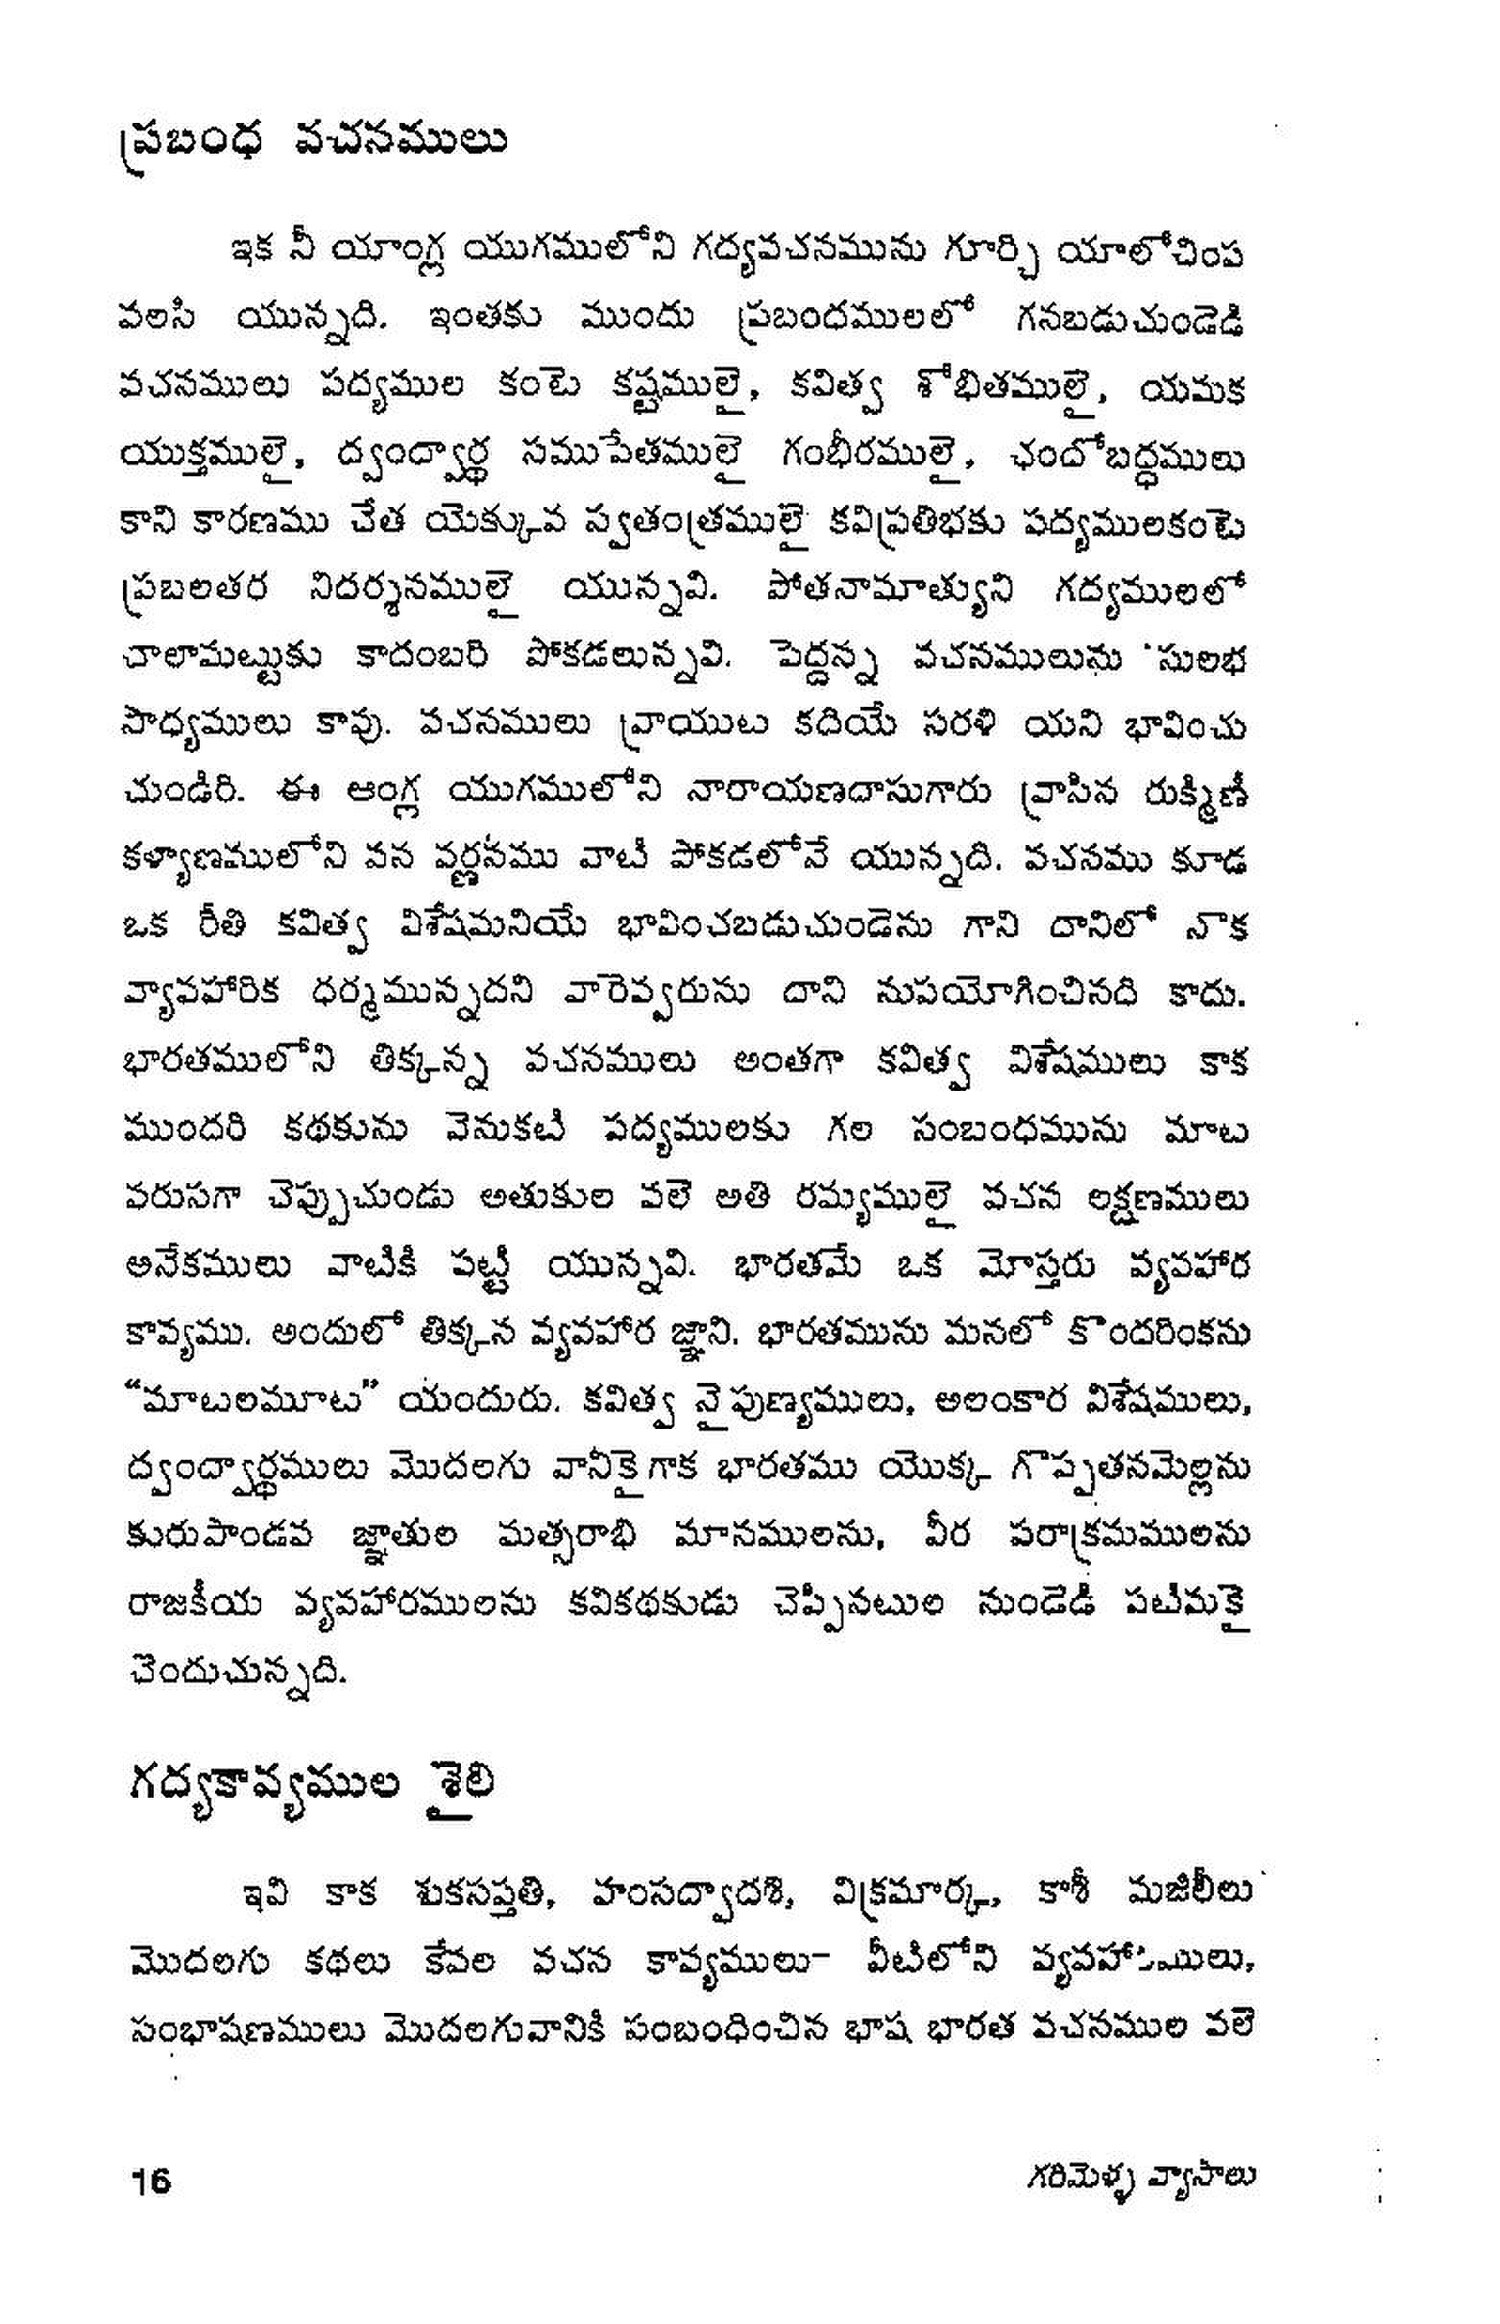ప్రబంధ వచనములు
 
ఇక నీ యాంగ్ల యుగములోని గద్యవచనమును గూర్చి యాలోచింపవలసి యున్నది. ఇంతకు ముందు ప్రబంధములలో గనబడుచుండెడి వచనములు పద్యముల కంటె కష్టములై, కవిత్వ శోభితములై, యమక యుక్తములౌ, ద్వంద్వార్థ సముపేతములై గంభీరములై, ఛందోబద్దములు కాని కారణము చేత యెక్కువ స్వతంత్రములై కవిప్రతిభకు పద్యములకంటె ప్రబలతర నిదర్శనములై యున్నవి. పోతనామాత్యుని గద్యములలో చాలమట్టుకు కాదంబరి పోకడలున్నవి. పెద్దన్న వచనములును సులభసాద్ధ్యములు కావు. వచనములు వ్రాయుట కదియే సరళి యని భావించుచుండిరి. ఈ ఆంగ్ల యుగములోని నారాయణదాసుగారు వ్రాసిన రుక్మిణీ కల్యాణములోని వన వర్ణనము వాటి పోకడలోనే యున్నది. వచనము కూడ ఒక రీతి కవిత్వ విశేషమనియే భావించబడుచుండెను. గాని దానిలో నొక వ్యావహారిక ధర్మమున్నదని వారెవ్వరును దాని నుపయోగించినది కాదు. భారతములోని తిక్కన్న వచనములు అంతగా కవిత్వ విశేషములు కాక ముందరి కథకును వెనుకటి పద్యములకు గల సంబంధమును మాటవరుసగా చెప్పుచుండు అతుకుల వలె అతి రమ్యములై వచన లక్షణములు అనేకములు వాటికి పట్టి యున్నవి. భారతమే ఒక మోస్తరు వ్యవహార కావ్యము అందులో తిక్కన వ్యవహార జ్ఞాని భారతమును మనలో కొందరింకను "మాటలమూట" యందురు. కవిత్వ నైపుణ్యములు, అలంకార విశేషములు, ద్వంద్వార్థములు మొదలగు వానికైగాక భారతము యొక్క గొప్పతనమెల్లను కురుపాండవ జ్ఞాతుల మత్సరాభి మానములను, వీర ప్రరాక్రమములను రాజకీయ వ్యవహారములను కవికథకుడు చెప్పినటుల నుండెడి పటిమకై చెందుచున్నది.

గద్యకావ్యముల శైలి

ఇవి కాక శుకసప్తతి, హంసద్వాదశి, విక్రమార్క, కాశీ మజిలీలు మొదలగు కథలు కేవల వచన కావ్యములు - వీటిలోని వ్యవహారములు, సంభాషణములు మొదలగువానికి సంబంధించిన భాష భారత వచనముల వలె